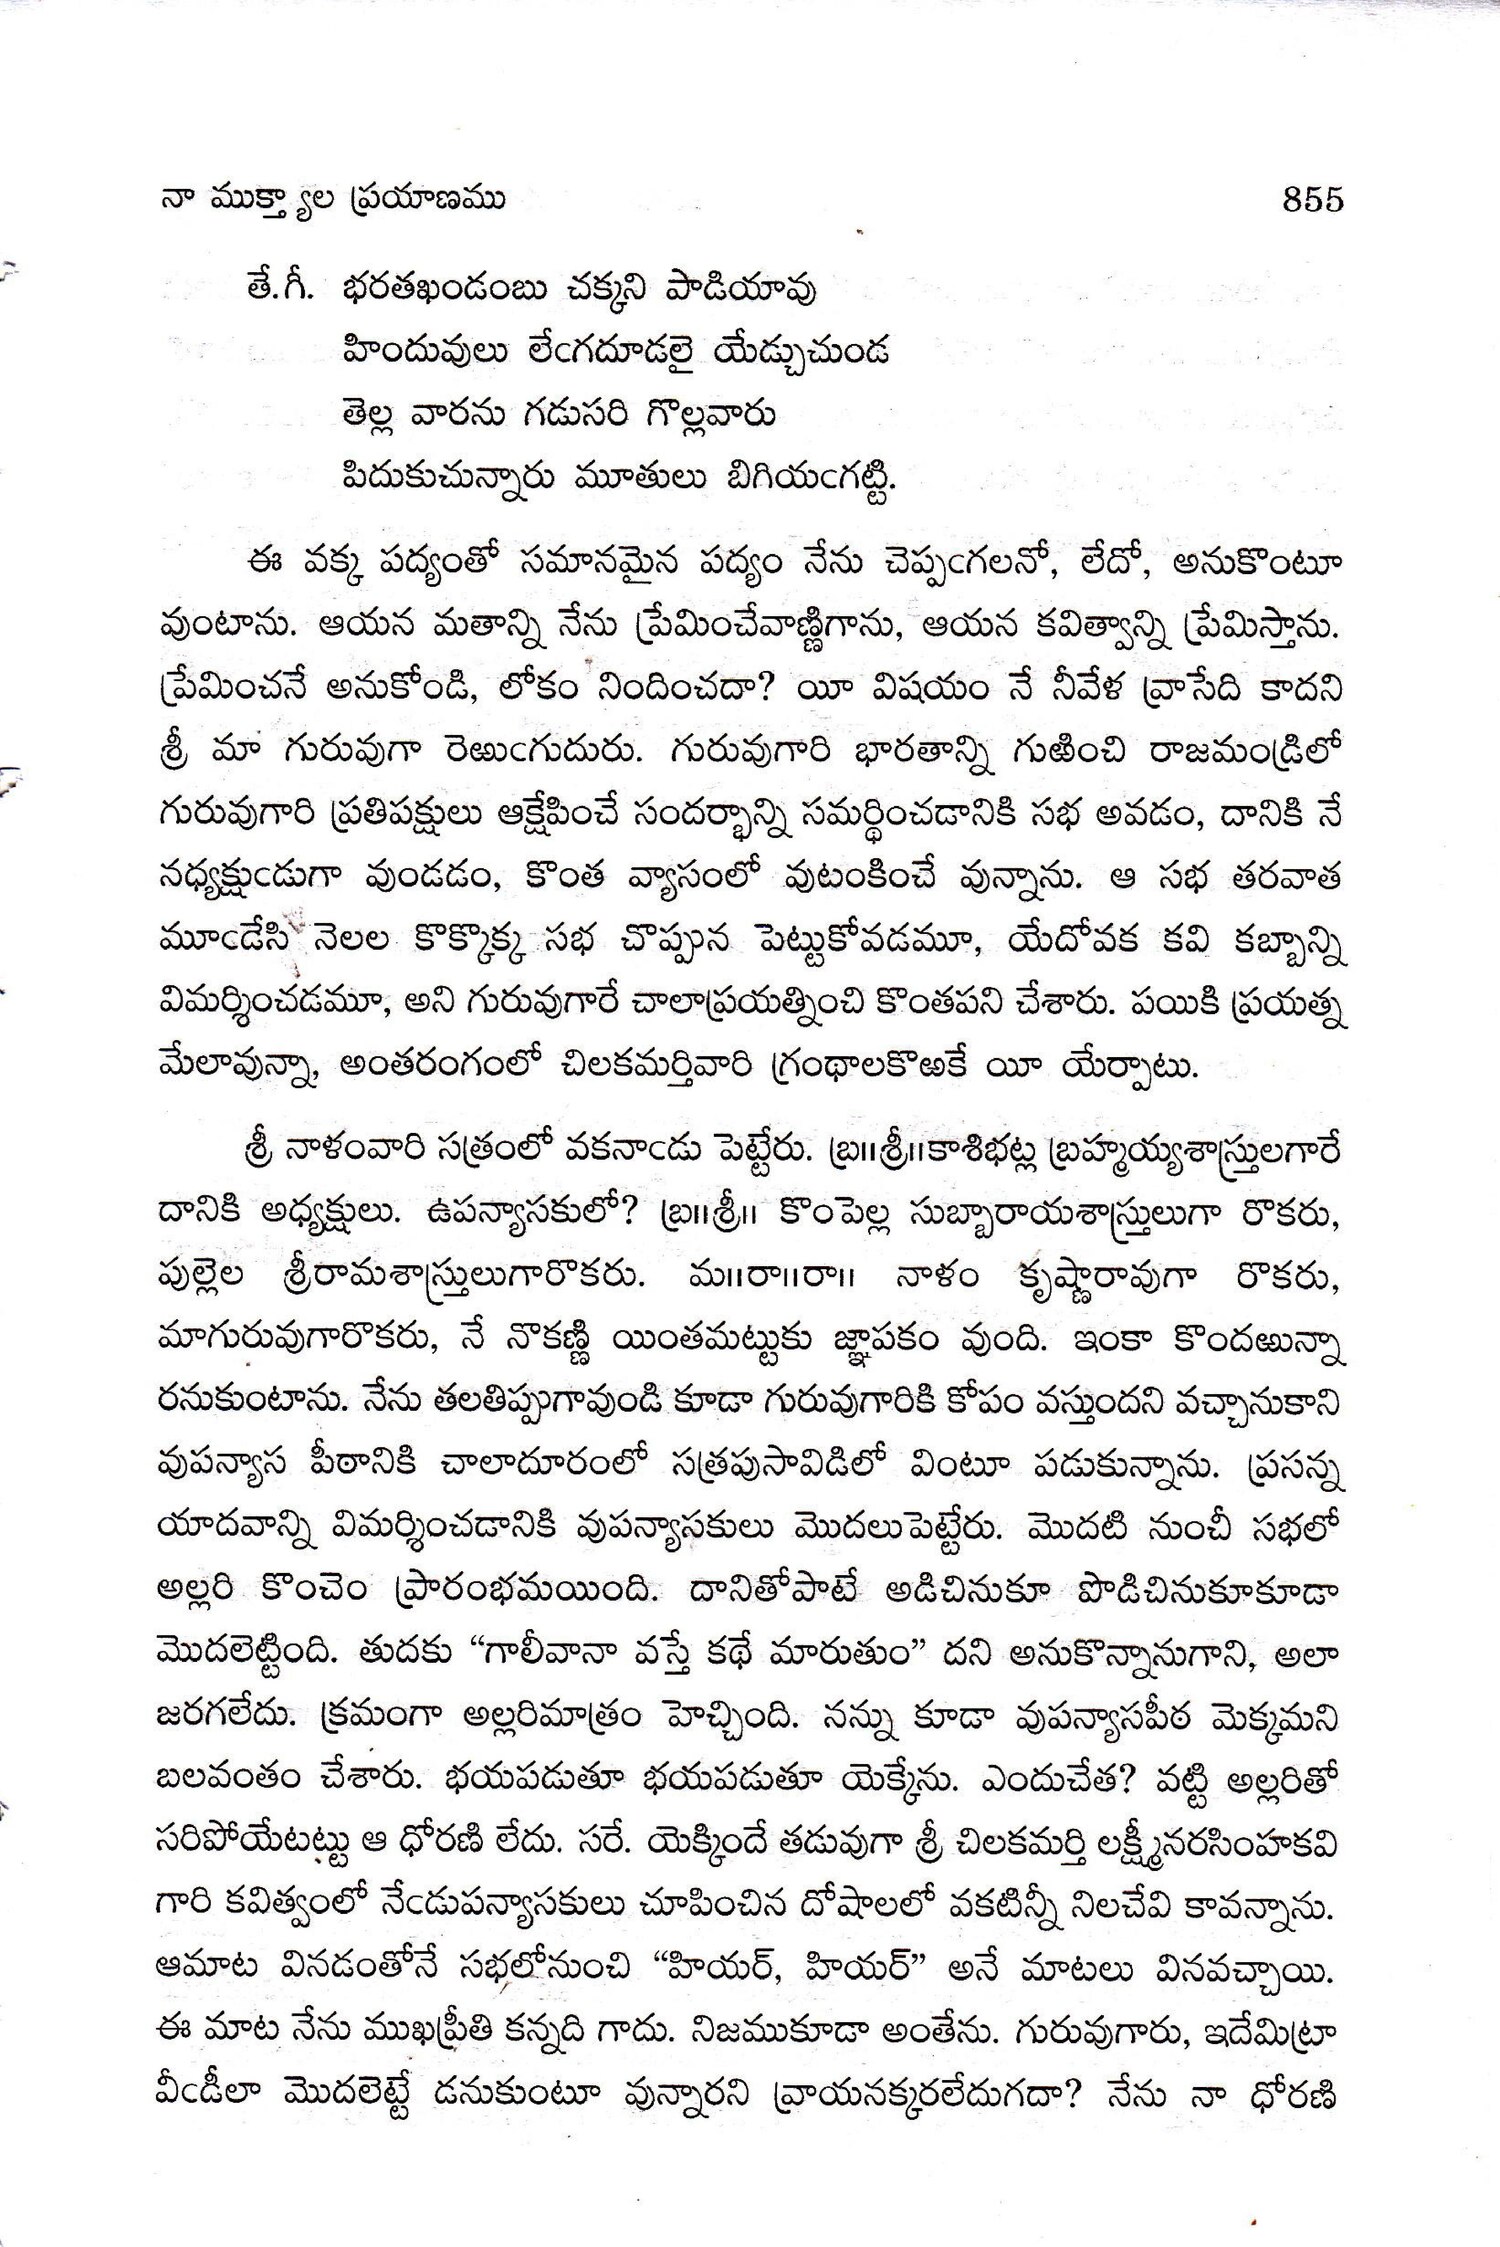తే.గీ. భరతఖండంబు చక్కని పాడియావు
 హిందువులు లేఁగదూడలై యేడ్చుచుండ 
 తెల్ల వారను గడుసరి గొల్లవారు 
 పిదుకుచున్నారు మూతులు బిగియఁగట్టి.
ఈ వక్క పద్యంతో సమానమైన పద్యం నేను చెప్పఁగలనో, లేదో, అనుకొంటూ వుంటాను. ఆయన మతాన్ని నేను ప్రేమించేవాణ్ణిగాను. ఆయన కవిత్వాన్ని ప్రేమిస్తాను. ప్రేమించనే అనుకోండి, లోకం నిందించదా? యీ విషయం నే నీవేళ వ్రాసేది కాదని శ్రీ మా గురువుగా రెఱుఁగుదురు. గురువుగారి భారతాన్ని గుఱించి రాజమండ్రిలో గురువుగారి ప్రతిపక్షులు ఆక్షేపించే సందర్భాన్ని సమర్థించడానికి సభ అవడం, దానికి నే నధ్యక్షుఁడుగా వుండడం, కొంత వ్యాసంలో వుటంకించే వున్నాను. ఆ సభ తరవాత మూఁడేసి నెలల కొక్కొక్క సభ చొప్పున పెట్టుకోవడమూ, యేదోవక కవి కబ్బాన్ని విమర్శించడమూ, అని గురువుగారే చాలా ప్రయత్నించి కొంతపని చేశారు. పయికి ప్రయత్న మేలావున్నా అంతరంగంలో చిలకమర్తివారి గ్రంథాలకొఱకే యీ యేర్పాటు.

శ్రీ నాళంవారి సత్రంలో వకనాఁడు పెట్టేరు. బ్ర||శ్రీ|| కాశిభట్ల బ్రహ్మయ్యశాస్త్రులగారే దానికి అధ్యక్షులు. ఉపన్యాసకులో? బ్ర||శ్రీ|| కొంపెల్ల సుబ్బారాయశాస్త్రులుగా రొకరు, పుల్లెల శ్రీరామశాస్త్రులుగారొకరు. మ||రా||రా|| నాళం కృష్ణారావుగా రొకరు, మాగురువుగారొకరు, నే నొకణ్ణి యింతమట్టుకు జ్ఞాపకం వుంది. ఇంకా కొందఱున్నా రనుకుంటాను. నేను తలతిప్పుగావుండి కూడా గురువుగారికి కోపం వస్తుందని వచ్చానుకాని వుపన్యాస పీఠానికి చాలాదూరంలో సత్రపుసావిడిలో వింటూ పడుకున్నాను. ప్రసన్న యాదవాన్ని విమర్శించడానికి వుపన్యాసకులు మొదలుపెట్టేరు. మొదటి నుంచీ సభలో అల్లరి కొంచెం ప్రారంభమయింది. దానితోపాటే అడిచినుకూ పొడిచినుకూకూడా మొదలెట్టింది. తుదకు "గాలీవానా వస్తే కథే మారుతుం” దని అనుకొన్నానుగాని, అలా జరగలేదు. క్రమంగా అల్లరిమాత్రం హెచ్చింది. నన్ను కూడా వుపన్యాసపీఠ మెక్కమని బలవంతం చేశారు. భయపడుతూ భయపడుతూ యెక్కేను. ఎందుచేత? వట్టి అల్లరితో సరిపోయేటట్టు ఆ ధోరణి లేదు. సరే. యెక్కిందే తడువుగా శ్రీ చిలకమర్తి లక్ష్మీనరసింహకవి గారి కవిత్వంలో నేఁడుపన్యాసకులు చూపించిన దోషాలలో వకటిన్నీ నిలచేవి కావన్నాను. ఆమాట వినడంతోనే సభలోనుంచి "హియర్, హియర్" అనే మాటలు వినవచ్చాయి. ఈ మాట నేను ముఖప్రీతి కన్నది గాదు. నిజముకూడా అంతేను. గురువుగారు, ఇదేమిట్రా వీఁడీలా మొదలెట్టే డనుకుంటూ వున్నారని వ్రాయనక్కరలేదుగదా? నేను నా ధోరణి